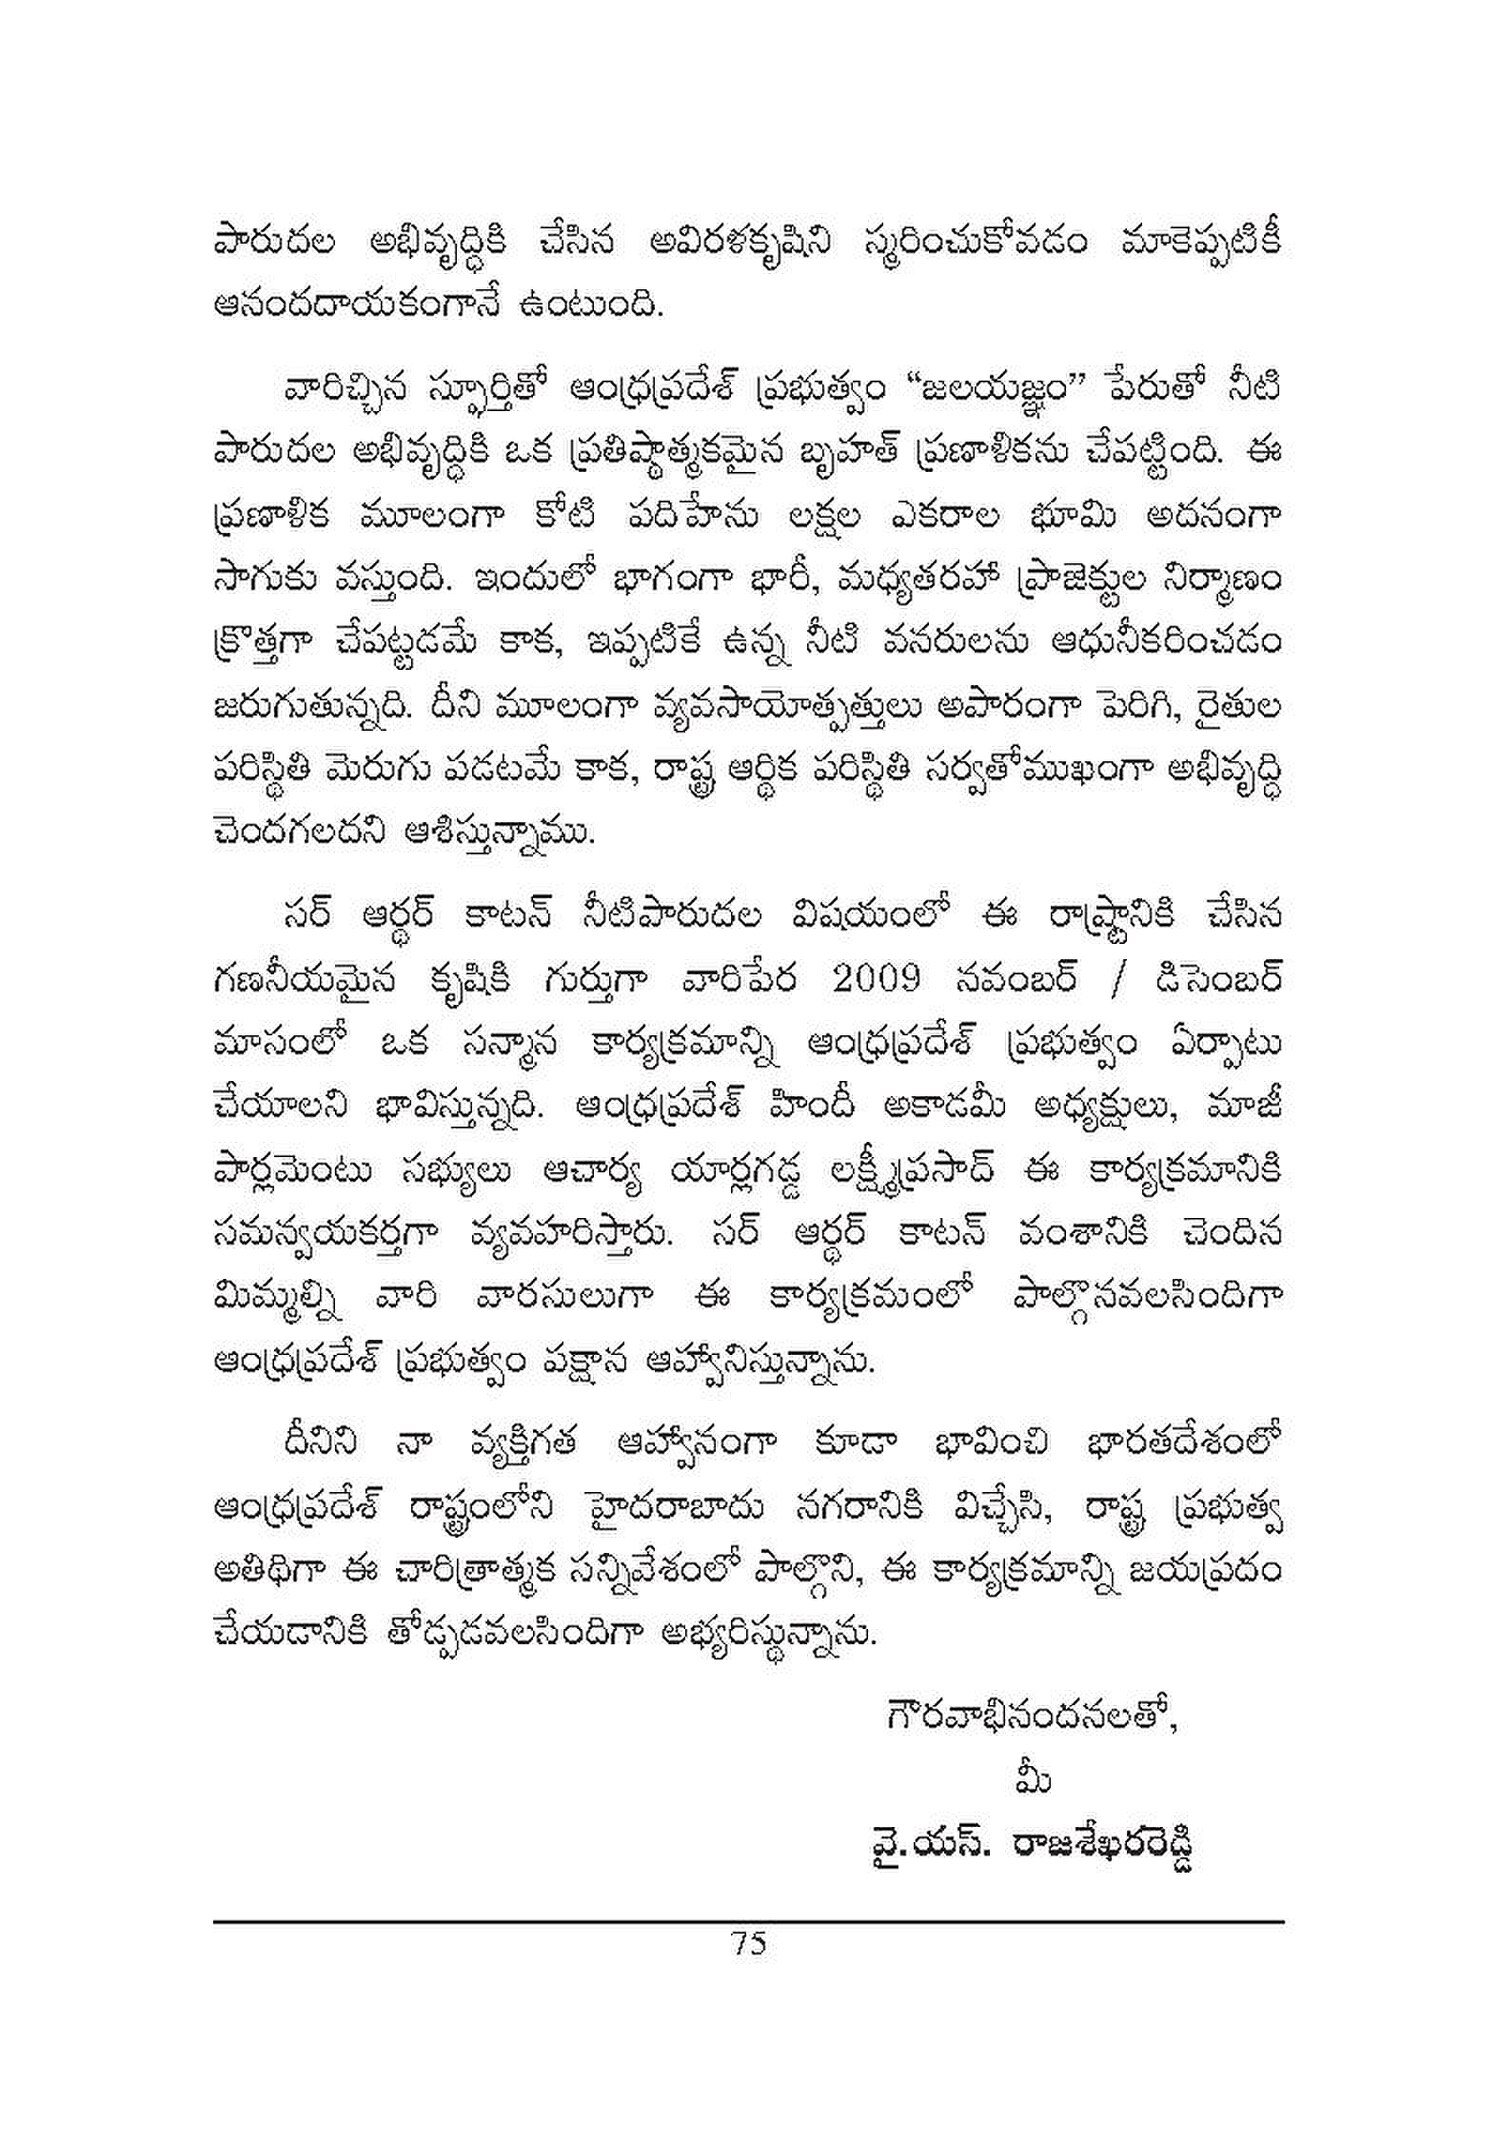పారుదల అభివృద్ధికి చేసిన అవిరళకృషిని స్మరించుకోవడం మాకెప్పటికీ ఆనందదాయకంగానే ఉంటుంది.

వారిచ్చిన స్ఫూర్తితో ఆంధ్రప్రదేశ్ ప్రభుత్వం "జలయజ్ఞం" పేరుతో నీటి పారుదల అభివృద్ధికి ఒక ప్రతిష్టాత్మకమైన బృహత్ ప్రణాళికను చేపట్టింది. ప్రణాళిక మూలంగా కోటి పదిహేను లక్షల ఎకరాల భూమి అదనంగా సాగుకు వస్తుంది. ఇందులో భాగంగా భారీ, మధ్యతరహా నిర్మాణం క్రొత్తగా చేపట్టడమే కాక, ఇప్పటికే ఉన్న నీటి వనరులను ఆధునీకరించడం జరుగుతున్నది. దీని మూలంగా వ్యవసాయోత్పత్తులు అపారంగా పెరిగి, రైతుల పరిస్థితి మెరుగు పడటమే కాక, రాష్ట్ర ఆర్థిక పరిస్థితి సర్వతోముఖంగా అభివృద్ది చెందగలదని ఆశిస్తున్నాము.

సర్ ఆర్థర్ కాటన్ నీటిపారుదల విషయంలో ఈ రాష్ట్రానికి చేసిన గణనీయమైన కృషికి గుర్తుగా వారి పేర 2009 నవంబర్ / డిసెంబర్ మాసంలో ఒక సన్మాన కార్యక్రమాన్ని ఆంధ్రప్రదేశ్ ప్రభుత్వం ఏర్పాటు చేయాలని భావిస్తున్నది. ఆంధ్రప్రదేశ్ హిందీ అకాడమీ అధ్యక్షులు, మాజీ పార్లమెంటు సభ్యులు ఆచార్య యార్లగడ్డ లక్ష్మీప్రసాద్ ఈ కార్యక్రమానికి సమన్వయకర్తగా వ్యవహరిస్తారు. సర్ ఆర్థర్ కాటన్ వంశానికి చెందిన మిమ్మల్ని వారి వారసులుగా ఈ కార్యక్రమంలో పాల్గొనవలసిందిగా ఆంధ్రప్రదేశ్ ప్రభుత్వం పక్షాన ఆహ్వానిస్తున్నాను.

దీనిని నా వ్యక్తిగత ఆహ్వానంగా కూడా భావించి భారతదేశంలో ఆంధ్రప్రదేశ్ రాష్ట్రంలోని హైదరాబాదు నగరానికి విచ్చేసి, రాష్ట్ర ప్రభుత్వ అతిథిగా ఈ చారిత్రాత్మక సన్నివేశంలో పాల్గొని, ఈ కార్యక్రమాన్ని జయప్రదం చేయడానికి తోడ్పడవలసిందిగా అభ్యరిస్తున్నాను.